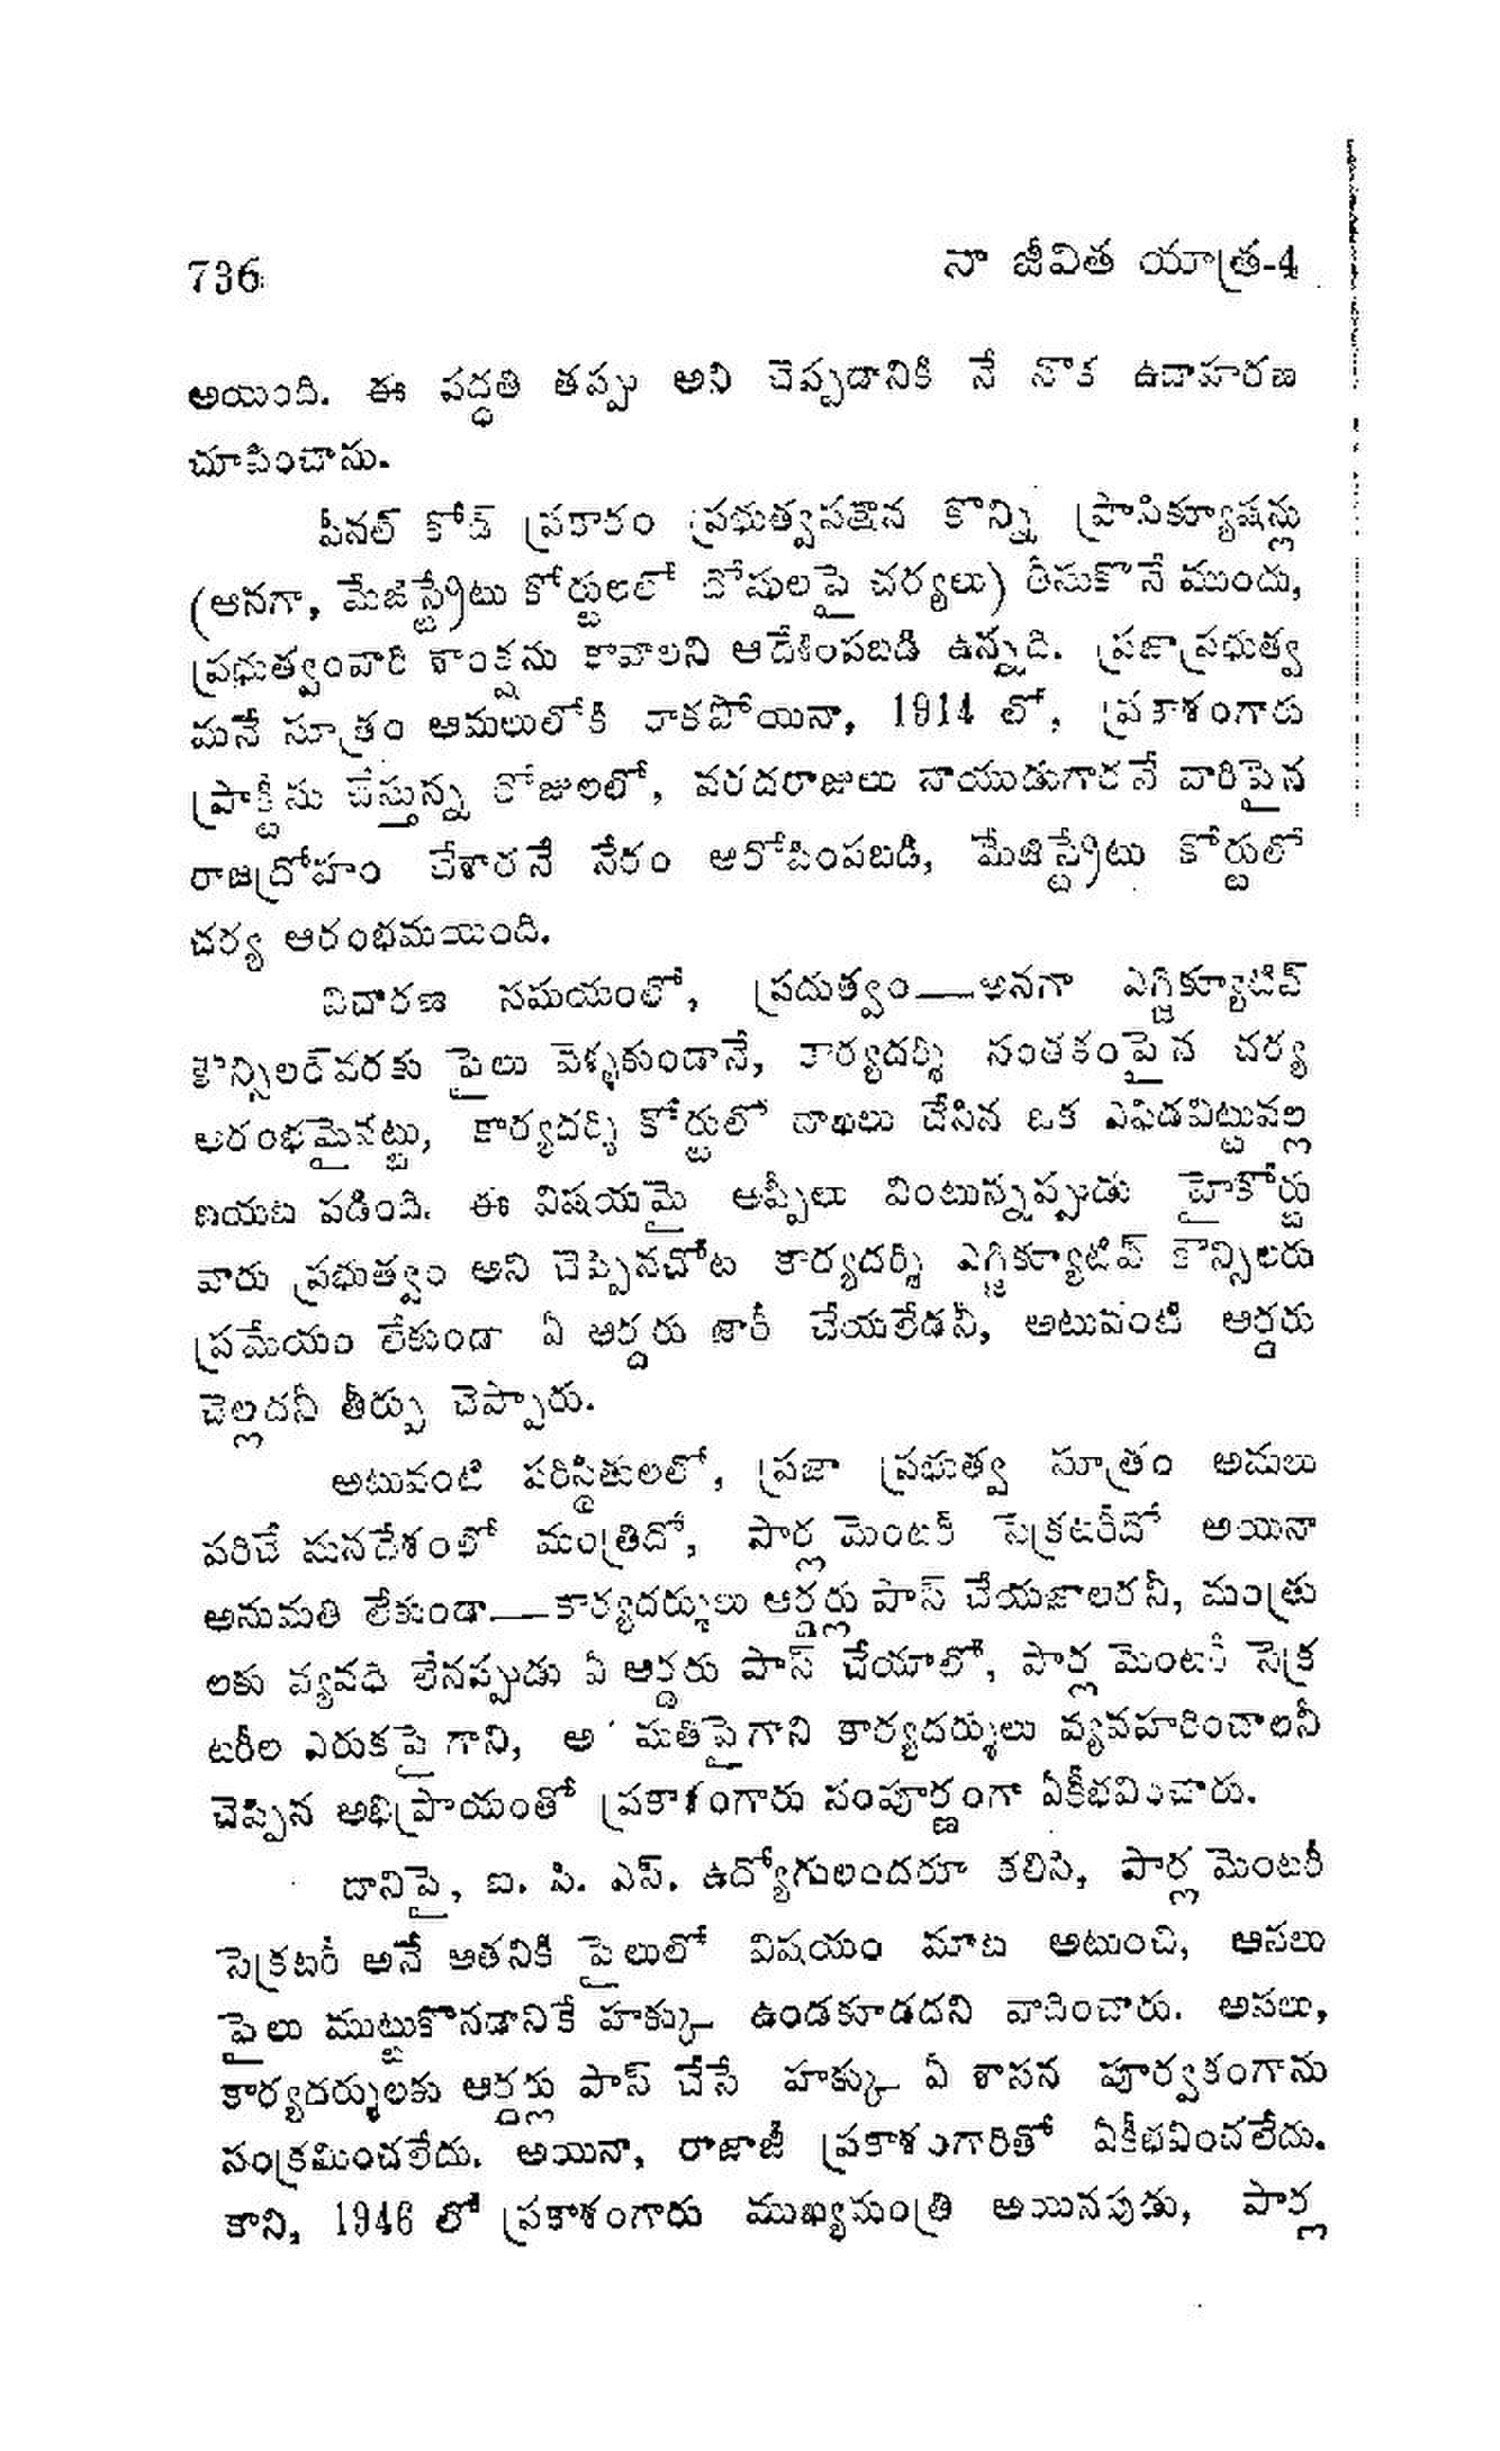అయింది. ఈ పద్ధతి తప్పు అని చెప్పడానికి నే నొక ఉదాహరణ చూపించాను.

పీనల్ కోడ్ ప్రకారం ప్రభుత్వపక్షాన కొన్ని ప్రాసిక్యూషన్లు (అనగా, మేజిస్ట్రేటు కోర్టులలో దోషులపై చర్యలు) తీసుకొనే ముందు, ప్రభుత్వంవారి శాంక్షను కావాలని ఆదేశింపబడి ఉన్నది. ప్రజాప్రభుత్వమనే సూత్రం అమలులోకి రాకపోయినా, 1914 లో, ప్రకాశంగారు ప్రాక్టీసు చేస్తున్న రోజులలో, వరదరాజులు నాయుడుగారనే వారిపైన రాజద్రోహం చేశారనే నేరం ఆరోపించబడి, మేజిస్ట్రేటు కోర్టులో చర్య ఆరంభమయింది.

విచారణ సమయంలో, ప్రభుత్వం - అనగా ఎగ్జిక్యూటివ్ కౌన్సిలర్‌వరకు ఫైలు వెళ్ళకుండానే, కార్యదర్శి సంతకంపైన చర్య ఆరంభమైనట్టు, కార్యదర్శి కోర్టులో దాఖలు చేసిన ఒక ఎఫిడవిట్టువల్ల బయట పడింది. ఈ విషయమై అప్పీలు వింటున్నప్పుడు హైకోర్టువారు ప్రభుత్వం అని చెప్పినచోట కార్యదర్శి ఎగ్జిక్యూటివ్ కౌన్సిలరు ప్రమేయం లేకుండా ఏ ఆర్డరు జారీ చేయలేడనీ, అటువంటి ఆర్డరు చెల్లదనీ తీర్పు చెప్పారు.

అటువంటి పరిస్థితులలో, ప్రజా ప్రభుత్వ సూత్రం అమలు పరిచే మనదేశంలో మంత్రిదో, పార్లమెంటరీ సెక్రటరీదో అయినా అనుమతి లేకుండా - కార్యదర్శులు ఆర్డర్లు పాస్ చేయజాలరనీ, మంత్రులకు వ్యవధి లేనప్పుడు ఏ ఆర్డరు పాస్ చేయాలో, పార్లమెంటరీ సెక్రటరీల ఎరుకపైగాని, అనుమతిపైగాని కార్యదర్శులు వ్యవహరించాలనీ చెప్పిన అభిప్రాయంతో ప్రకాశంగారు సంపూర్ణంగా ఏకీభవించారు.

దానిపై, ఐ.సి.ఎస్. ఉద్యోగులందరూ కలిసి, పార్లమెంటరీ సెక్రటరీ అనే అతనికి ఫైలులో విషయం మాట అటుంచి, అసలు ఫైలు ముట్టుకొనడానికే హక్కు ఉండకూడదని వాదించారు. అసలు, కార్యదర్శులకు ఆర్డర్లు పాస్ చేసే హక్కు ఏ శాసన పూర్వకంగాను సంక్రమించలేదు. అయినా, రాజాజీ ప్రకాశంగారితో ఏకీభవించలేదు. కాని, 1946 లో ప్రకాశంగారు ముఖ్యమంత్రి అయినపుడు, పార్ల